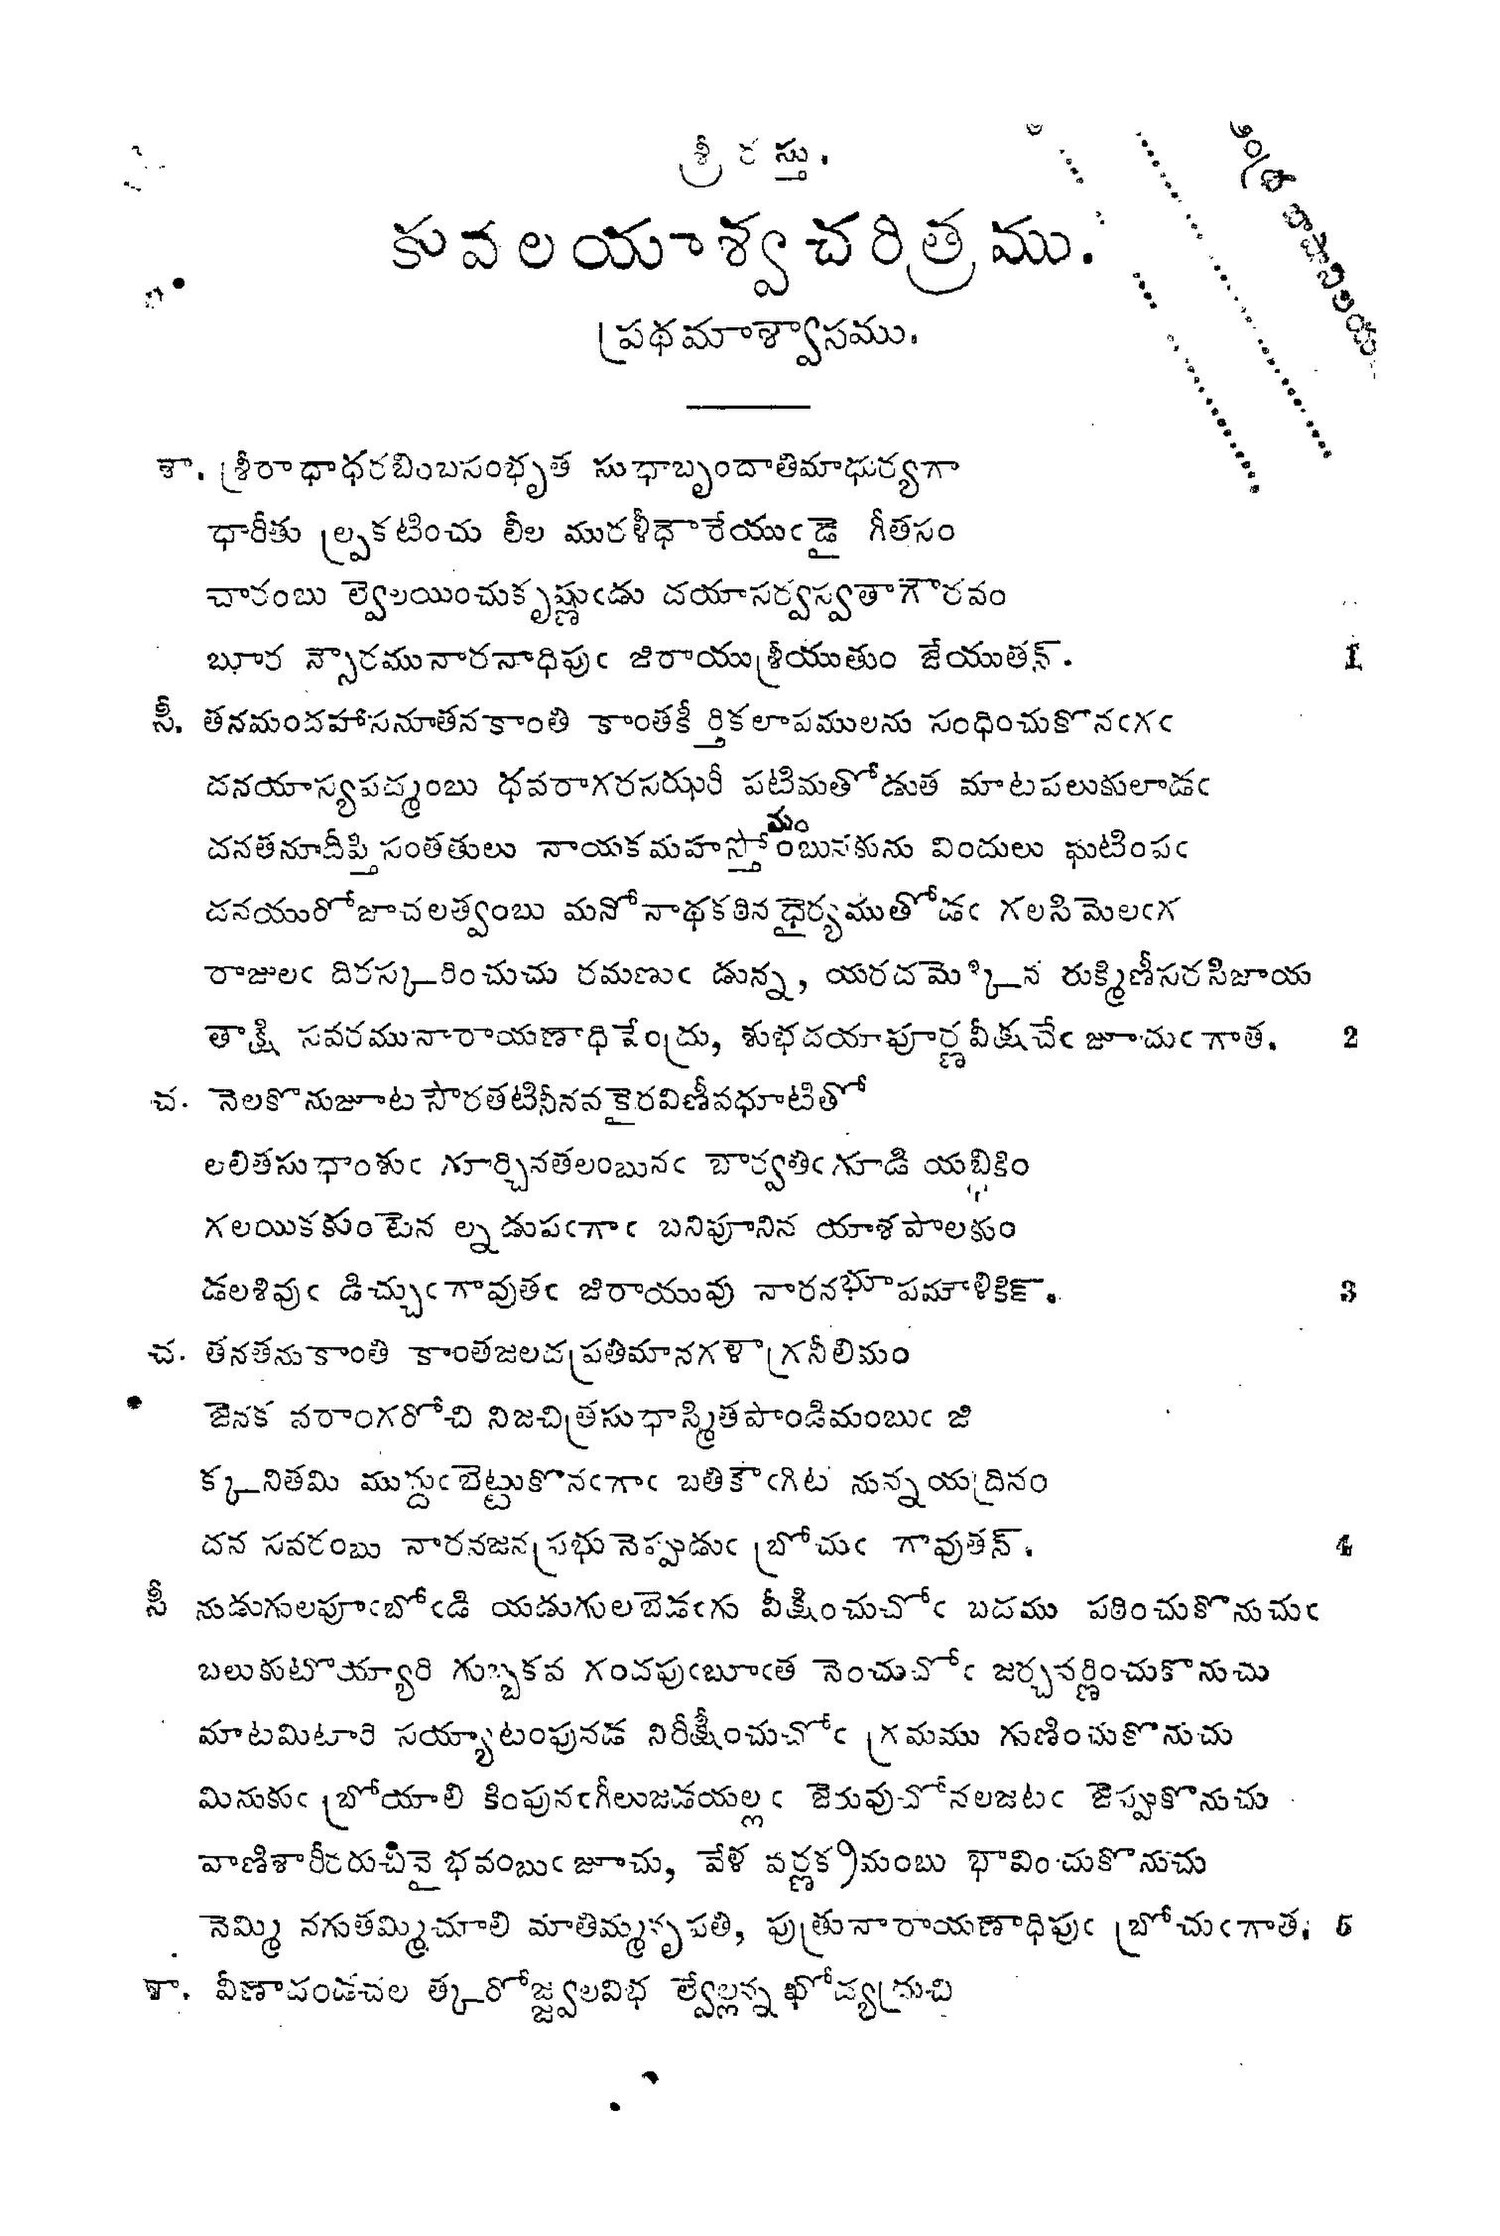కువలయాశ్వచరిత్రము
ప్రథమాశ్వాసము
శా. శ్రీరాధాధరబింబసంభృత సుధాబృందాతిమాధుర్యగా
థారీతు ల్బ్రకటించు లీల మురళీధౌరేయుఁడై గీతసం
చారంబు ల్వెయించుకృష్ణుఁడు దయాసర్వస్వతాగౌరవం
బూర న్సౌరమునారనాధిపుఁ జిరాయుశ్రీయుతుం జేయుతన్.
సీ. తనమందహాసనూతనకాంతి కాంతకీర్తికలాపములను సంధించుకొనఁగఁ
దనయాస్యపద్మంబు ధవరాగరసఝరీపటిమతోడుత మాటపలుకులాడఁ
దనతనూదీప్తిసంతతులు నాయకమహస్తోమంబునకును విందులు ఘటింపఁ
దనయురోజాచలత్వంబు మనోనాథకఠినధైర్యముతోడఁ గలసిమెలఁగ
రాజులఁ దిరస్కరించుచు రమణుఁ డున్న, యరదమెక్కిన రుక్మిణీసరసిజాయ
తాక్షి సవరము నారాయణాధిపేంద్రు, శుభదయాపూర్ణవీక్షచేఁ జూచుఁ గాత.
చ. నెలకొనుజూటసౌరతటినీనవకైరవిణీవధూటితో
లలితసుధాంశుఁ గూర్చినతలంబునఁ బార్వతిఁ గూడి యబ్ధికిం
గలయికకుంటెన ల్నడుపఁగాఁ బనిపూనిన యాశపాలకుం
డలశివుఁ డిచ్చుఁ గావుతఁ జిరాయువు నారనభూపమౌళికిన్.
చ. తనతనుకాంతి కాంతజలదప్రతిమానగళాగ్రనీలిమం
జెనక నరాంగరోచి నిజచిత్రసుధాస్మితపాండిమంబుఁ జి
క్కనితమి ముద్దుఁ బెట్టుకొనఁగాఁ బతికౌఁగిట నున్నయద్రినం
దన సవరంబు నారనజనప్రభు నెప్పుడుఁ బ్రోచుఁ గావుతన్.
సీ. నుడుగులపూఁబోఁడి యడుగులబెడఁగు నిరీక్షించుచోఁ బదము పఠించుకొనుచుఁ
బలుకుటొయ్యారి గుబ్బకవ గందపుఁబూఁత నెంచుచోఁ జర్చ వర్ణించుకొనుచు
మాటమిటారి సయ్యాటంపునడ నిరీక్షించుచోఁ గ్రమము గుణించుకొనుచు
మినుకుఁ బ్రోయాలి కింపునఁగీలుజవయల్లఁ జెరువుచో నలజటఁ జెప్పుకొనుచు
వాణిశారీరరుచివైభవంబుఁ జూచు, వేళ వర్ణక్రమంబు భావించుకొనుచు
నెమ్మి నగు తమ్మిచూలి మాతిమ్మనృపతి, పుత్రు నారాయణాధిపుఁ బ్రోచుఁ గాత.
శా. వీణాదండచలత్కరోజ్జ్వలవిభ ల్వేల్లన్నఖోద్యద్రుచి